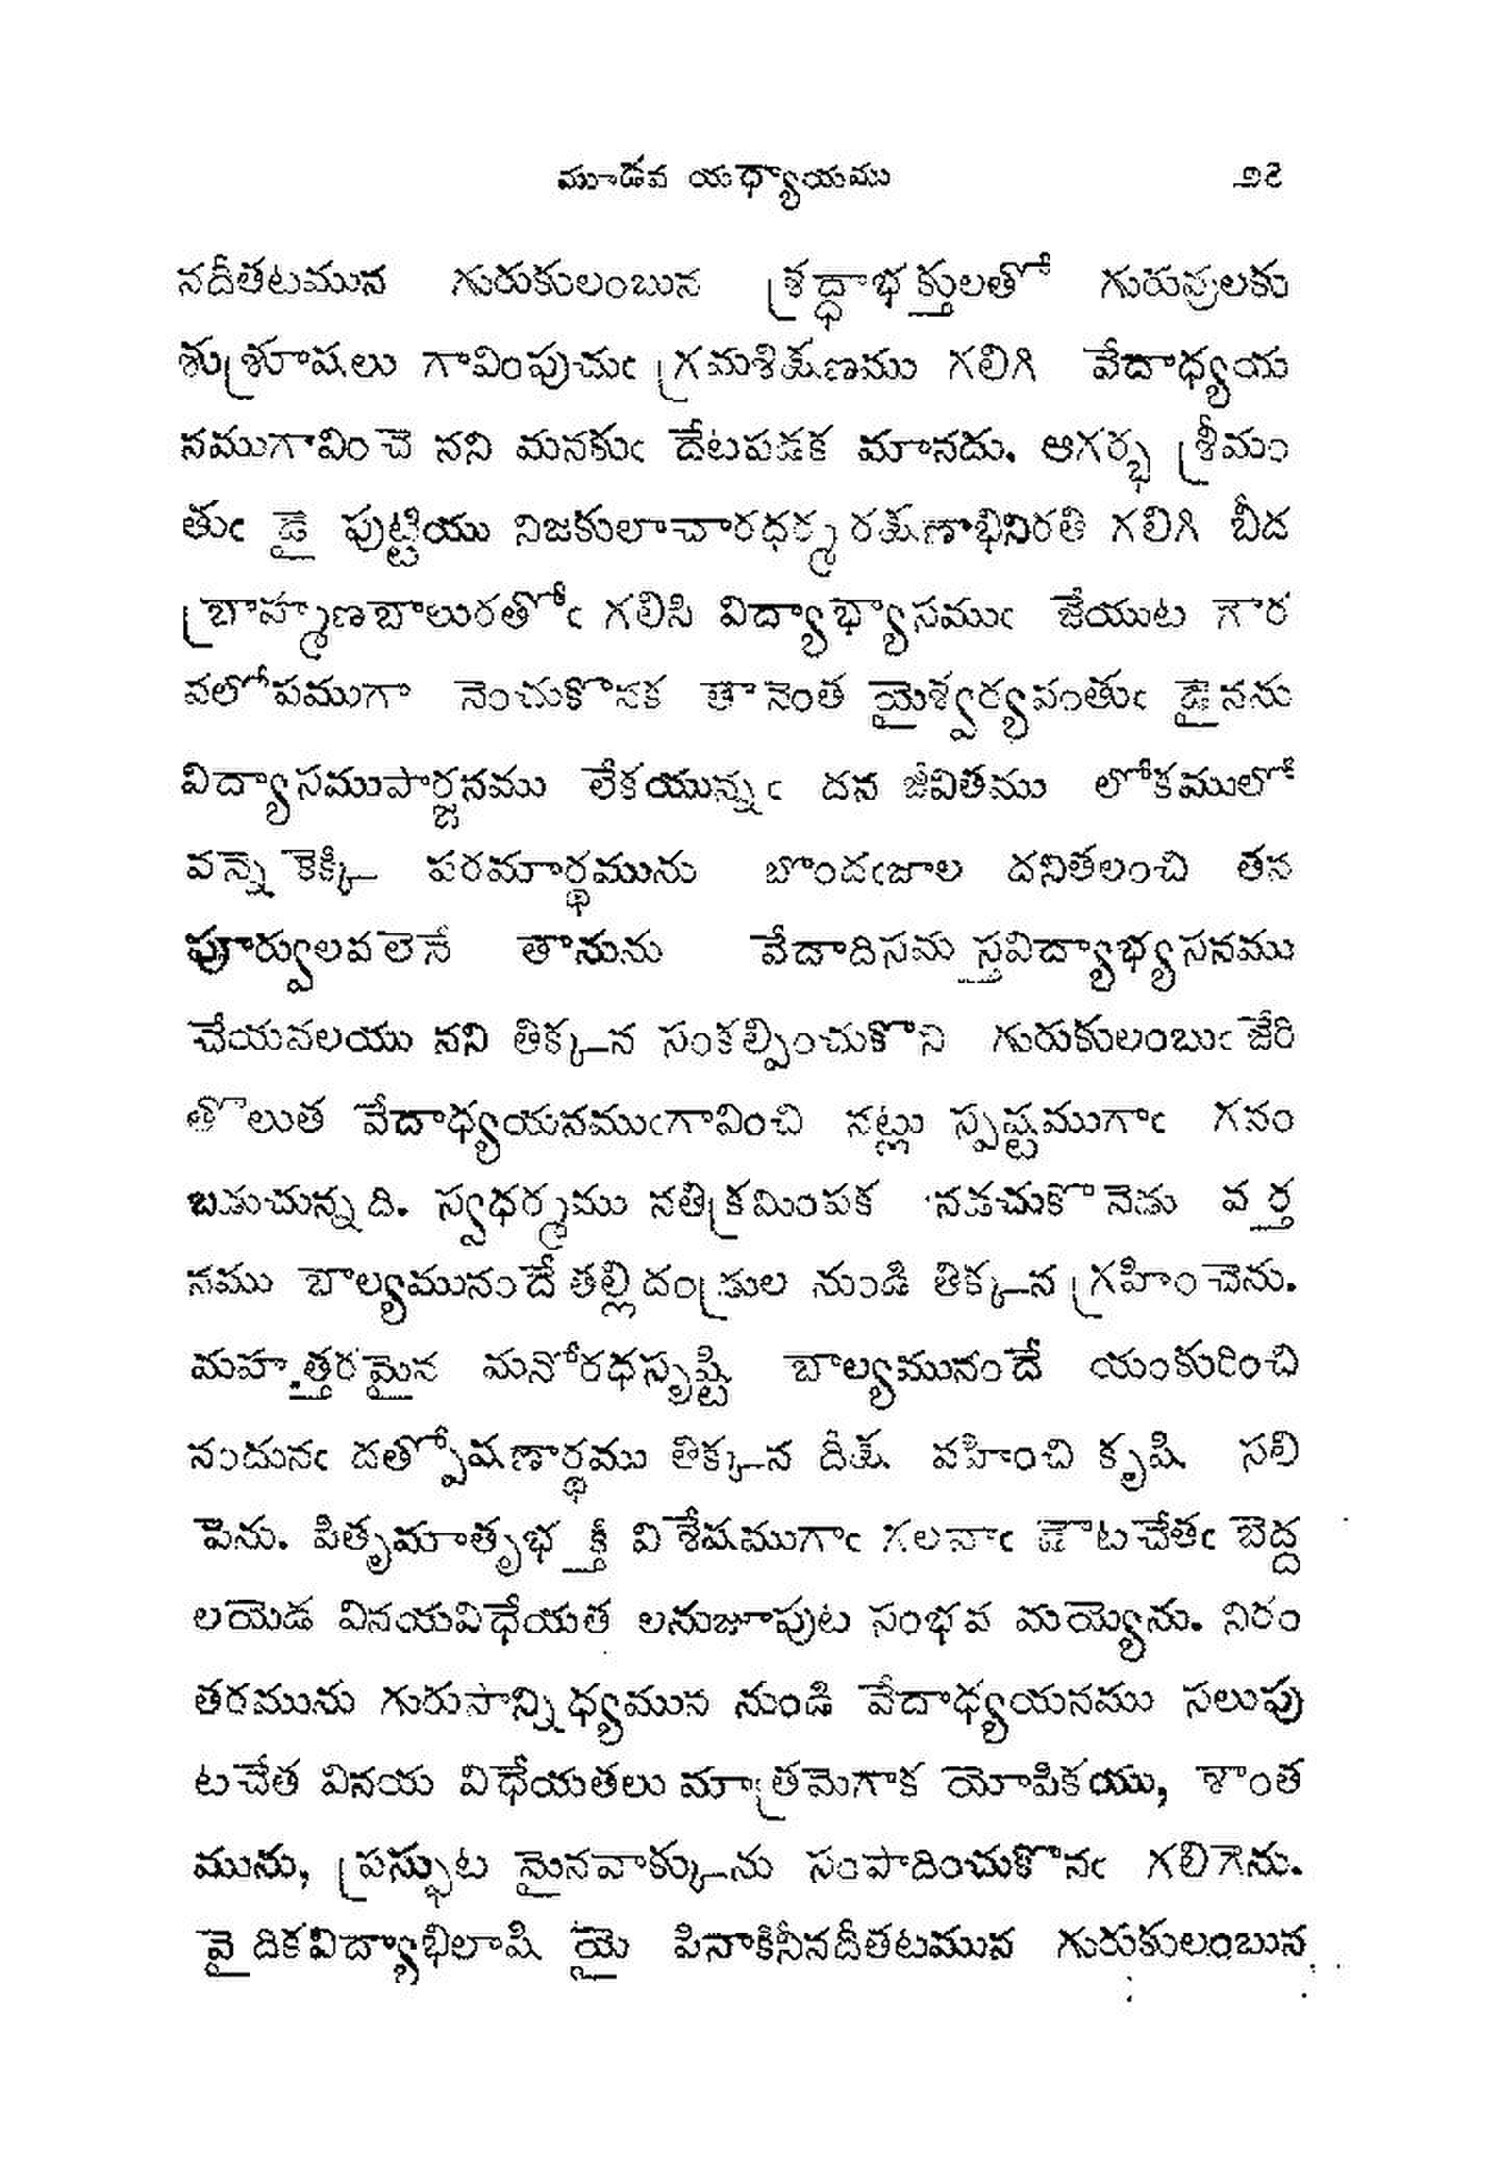నదీతటమున గురుకులంబున శ్రద్ధాభక్తులతో గురువులకు శుశ్రూషలు గావింపుచుఁ గ్రమశిక్షణము గలిగి వేదాధ్యయనముగావించె నని మనకుఁ దేటపడక మానదు, ఆగర్భ శ్రీమంతుఁ డై పుట్టియు నిజకులాచారధర్మరక్షణాభినిరతీ గలిగి బీదబ్రాహ్మణబాలురతోఁ గలిసి విద్యాభ్యాసముఁ జేయుట గౌరవలోపముగా నెంచుకొనక తానెంత యైశ్వర్యవంతుఁ డైనను విద్యాసముపార్జనము లేకయున్నఁ దన జీవితము లోకములో వన్నెకెక్కి పరమార్థమును బొందఁజాల దనితలంచి తన పూర్వులవలెనే తానును వేదాదిసమస్తవిద్యాభ్యసనము చేయవలయు నని తిక్కన సంకల్పించుకొని గురుకులంబుఁజేరి తొలుత వేదాధ్యయనముఁగావించి నట్లు స్పష్టముగాఁ గనంబడుచున్నది. స్వధర్మము నతిక్రమింపక నడచుకొనెడు వర్తనము బాల్యమునందే తల్లిదండ్రుల నుండి తిక్కన గ్రహించెను. మహత్తరమైన మనోరధసృష్టి బాల్యమునందే యంకురించి నందునఁ దత్పోషణార్థము తిక్కన దీక్ష వహించి కృషి సలిపెను. పితృమాతృభక్తి విశేషముగాఁ గలవాఁ డౌట చేతఁ బెద్దలయెడ వినయవిధేయత లనుజూపుట సంభవ మయ్యెను. నిరంతరమును గురుసాన్నిధ్యమున నుండి వేదాధ్యయనము సలుపుటచేత వినయ విధేయతలు మాత్రమెగాక యోపికయు, శాంతమును, ప్రస్పుట మైనవాక్కును సంపాదించుకొనఁ గలిగెను. వైదికవిద్యాభిలాషి యై పినాకినీనదీతటమున గురుకులంబున.